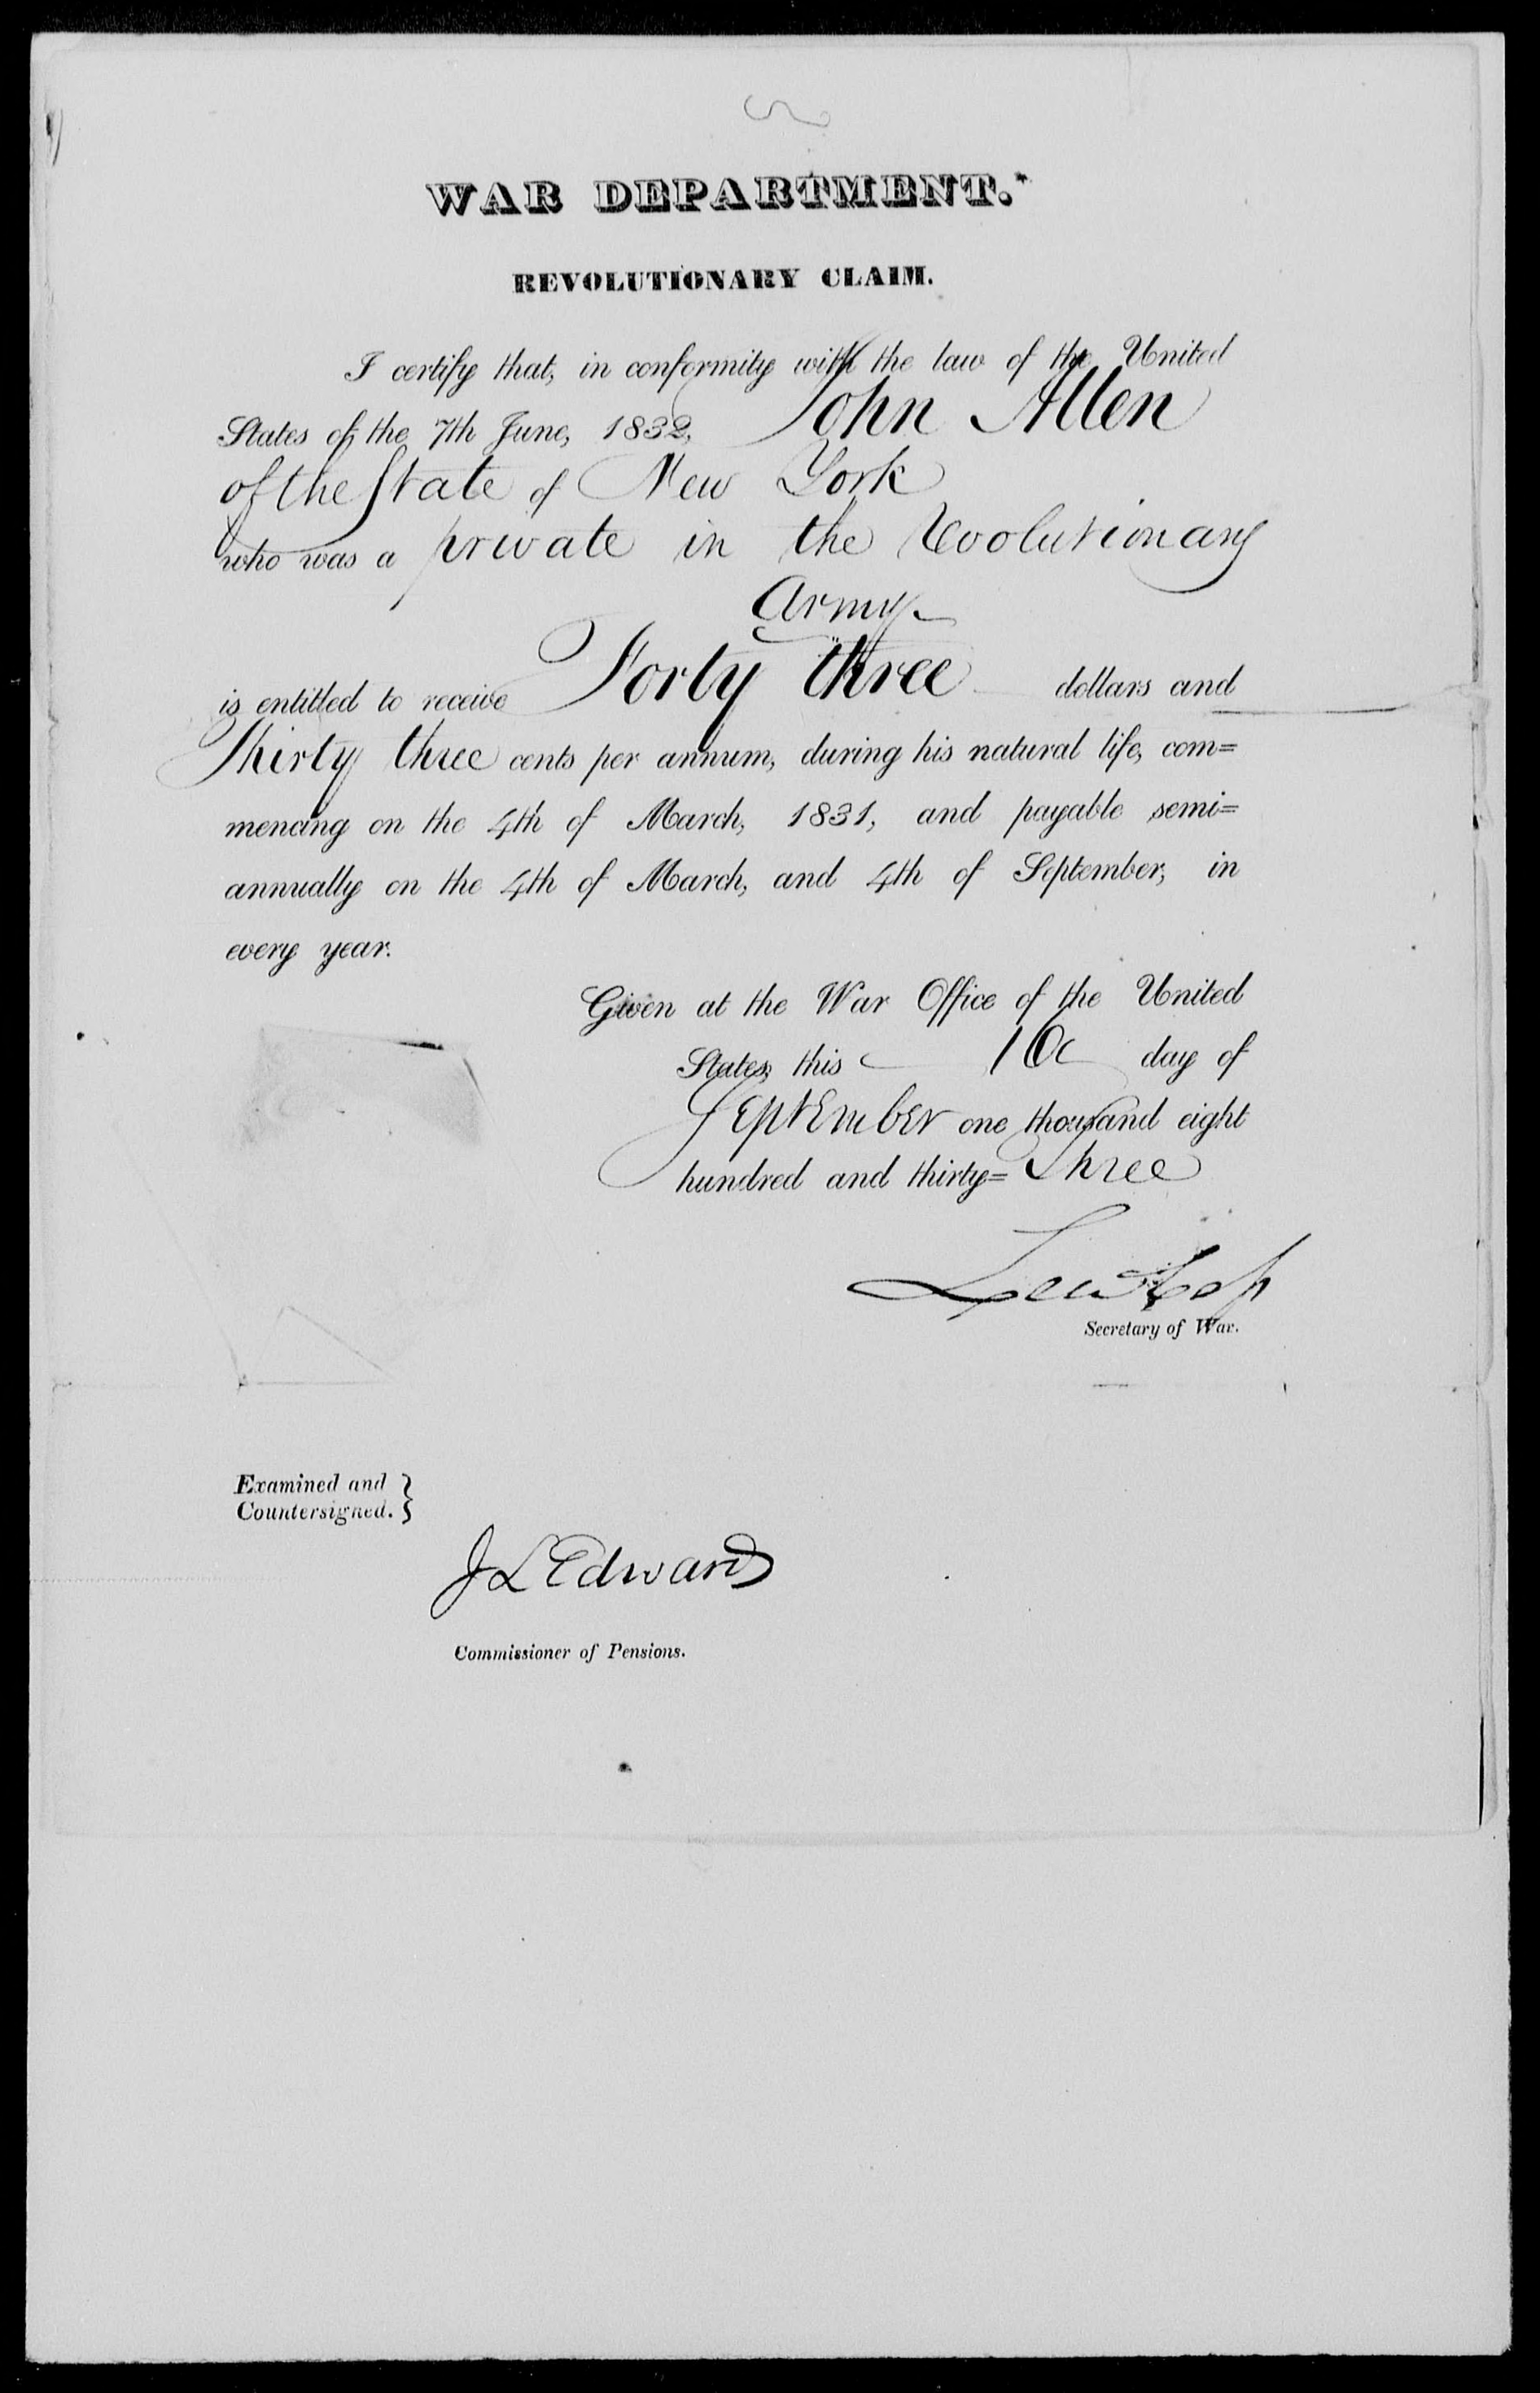WAR DEPARTMENT.
REVOLUTIONARY CLAIM. 
I certify that in conformity with the law of the United States of the 7th June, 1832, John Allen of the State of New York who was a private in the revolutionary Army is entitled to receive Forty three dollars and Thirty three cents per annum, during his natural life, commencing on the 4th of March, 1831, and payable semiannually on the 4th of March, and 4th of September, in every year. 
Given at the War Office of the United States this 10th day of September one thousand eight hundred and thirty three
Lew Cass 
Secretary of War.
Examined and Countersigned.} J L Edwards 
Commissioner of Pensions.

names: John Allen, Lew Coss, J L Edwards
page: 56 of 74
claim: widow's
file: W. 23424, John Allen, Mass. R. I.